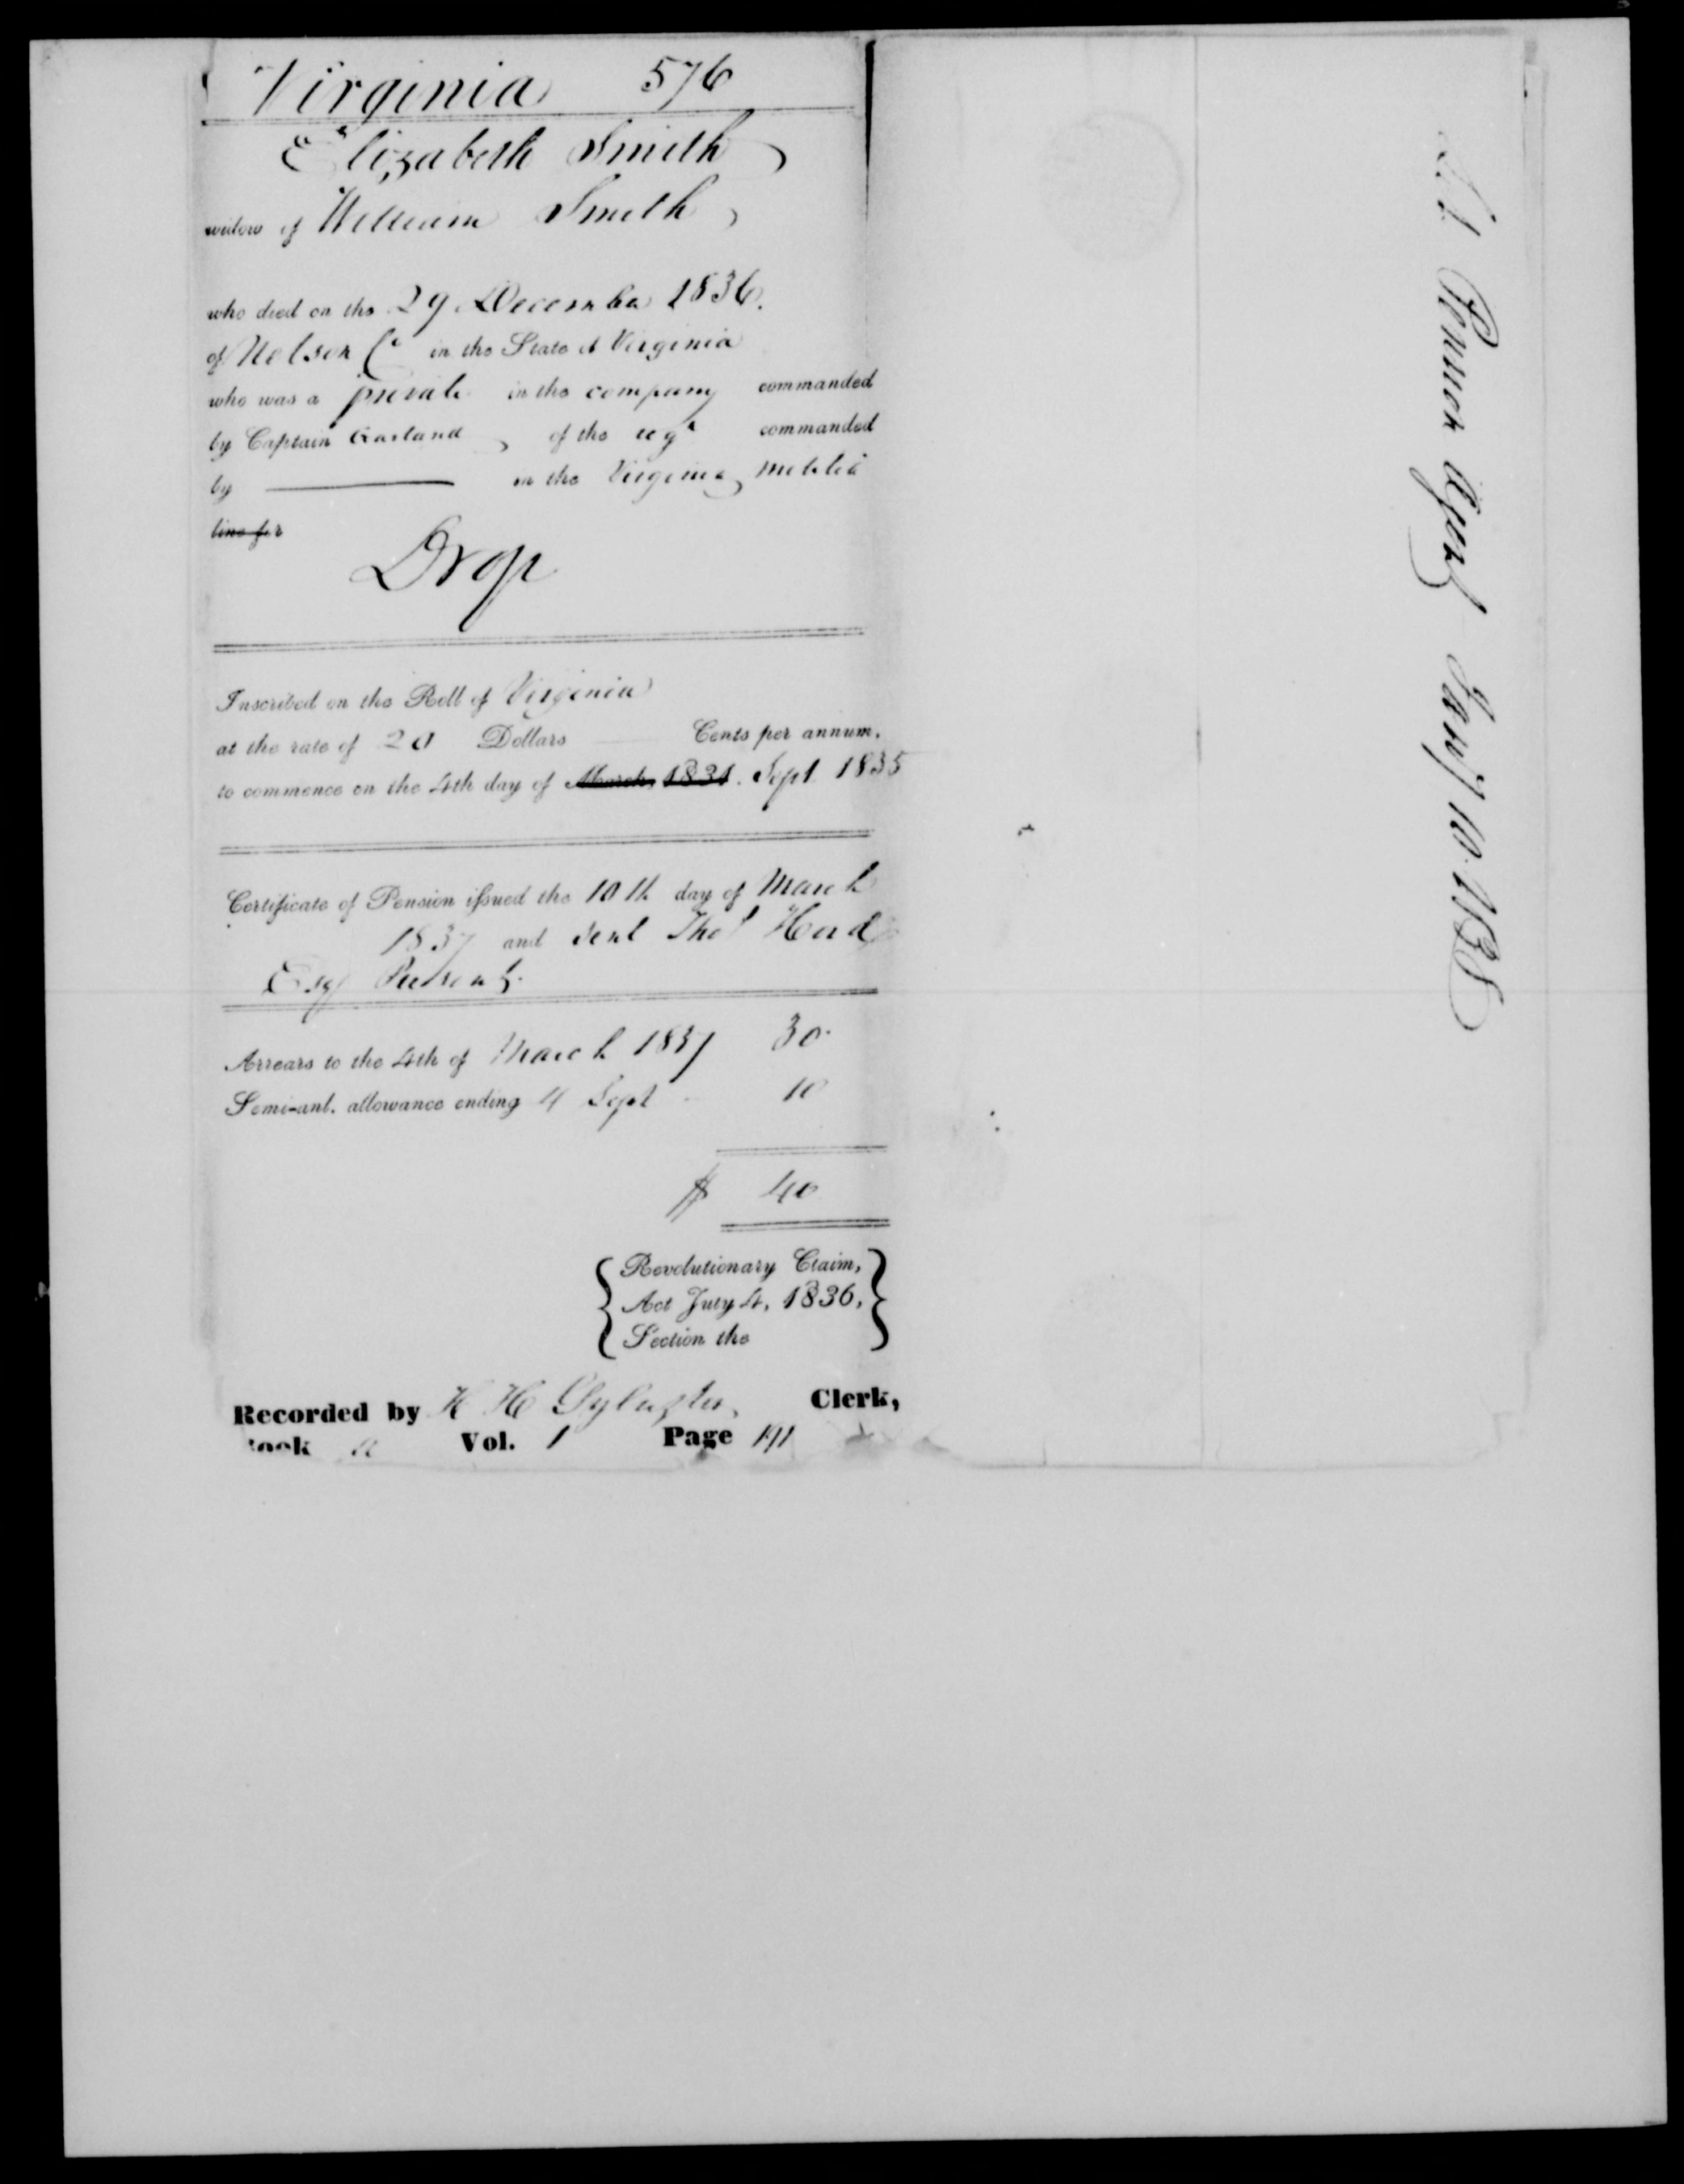Virginia 576
Elizabeth Smith
widow of William Smith
who died on the 29 December 1836.
of Nelson Co in the State of Virginia
who was a private in the company commanded by Captain Garland of the rgt commanded by - in the Virginia Militia 
Drop

Inscribed on the Roll of Virginia
at the rate of 20 Dollars - Cents per annum, to commence on the 4th day of Sept 1835

Certificate of Pension issue the 10th day of March 1837 and sent Thos Hord Esq. Present.

Arrears to the 4th of March 1837 30
Semi-anl. allowance ending 4 Sept 10
$40
{Revolutionary Claim, Act July 4, 1836, Section the ____}
Recorded by H H Sylvester, Clerk,
Book A Vol. 1 Page 111

Let Pension Agent Jany 10. 1835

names: Elizabeth Smith; [BLANK] Garland; H H Sylvester; Thos Hord; William Smith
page: 11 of 22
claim: widow's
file: W. 4,806, for William Smith, Virginia